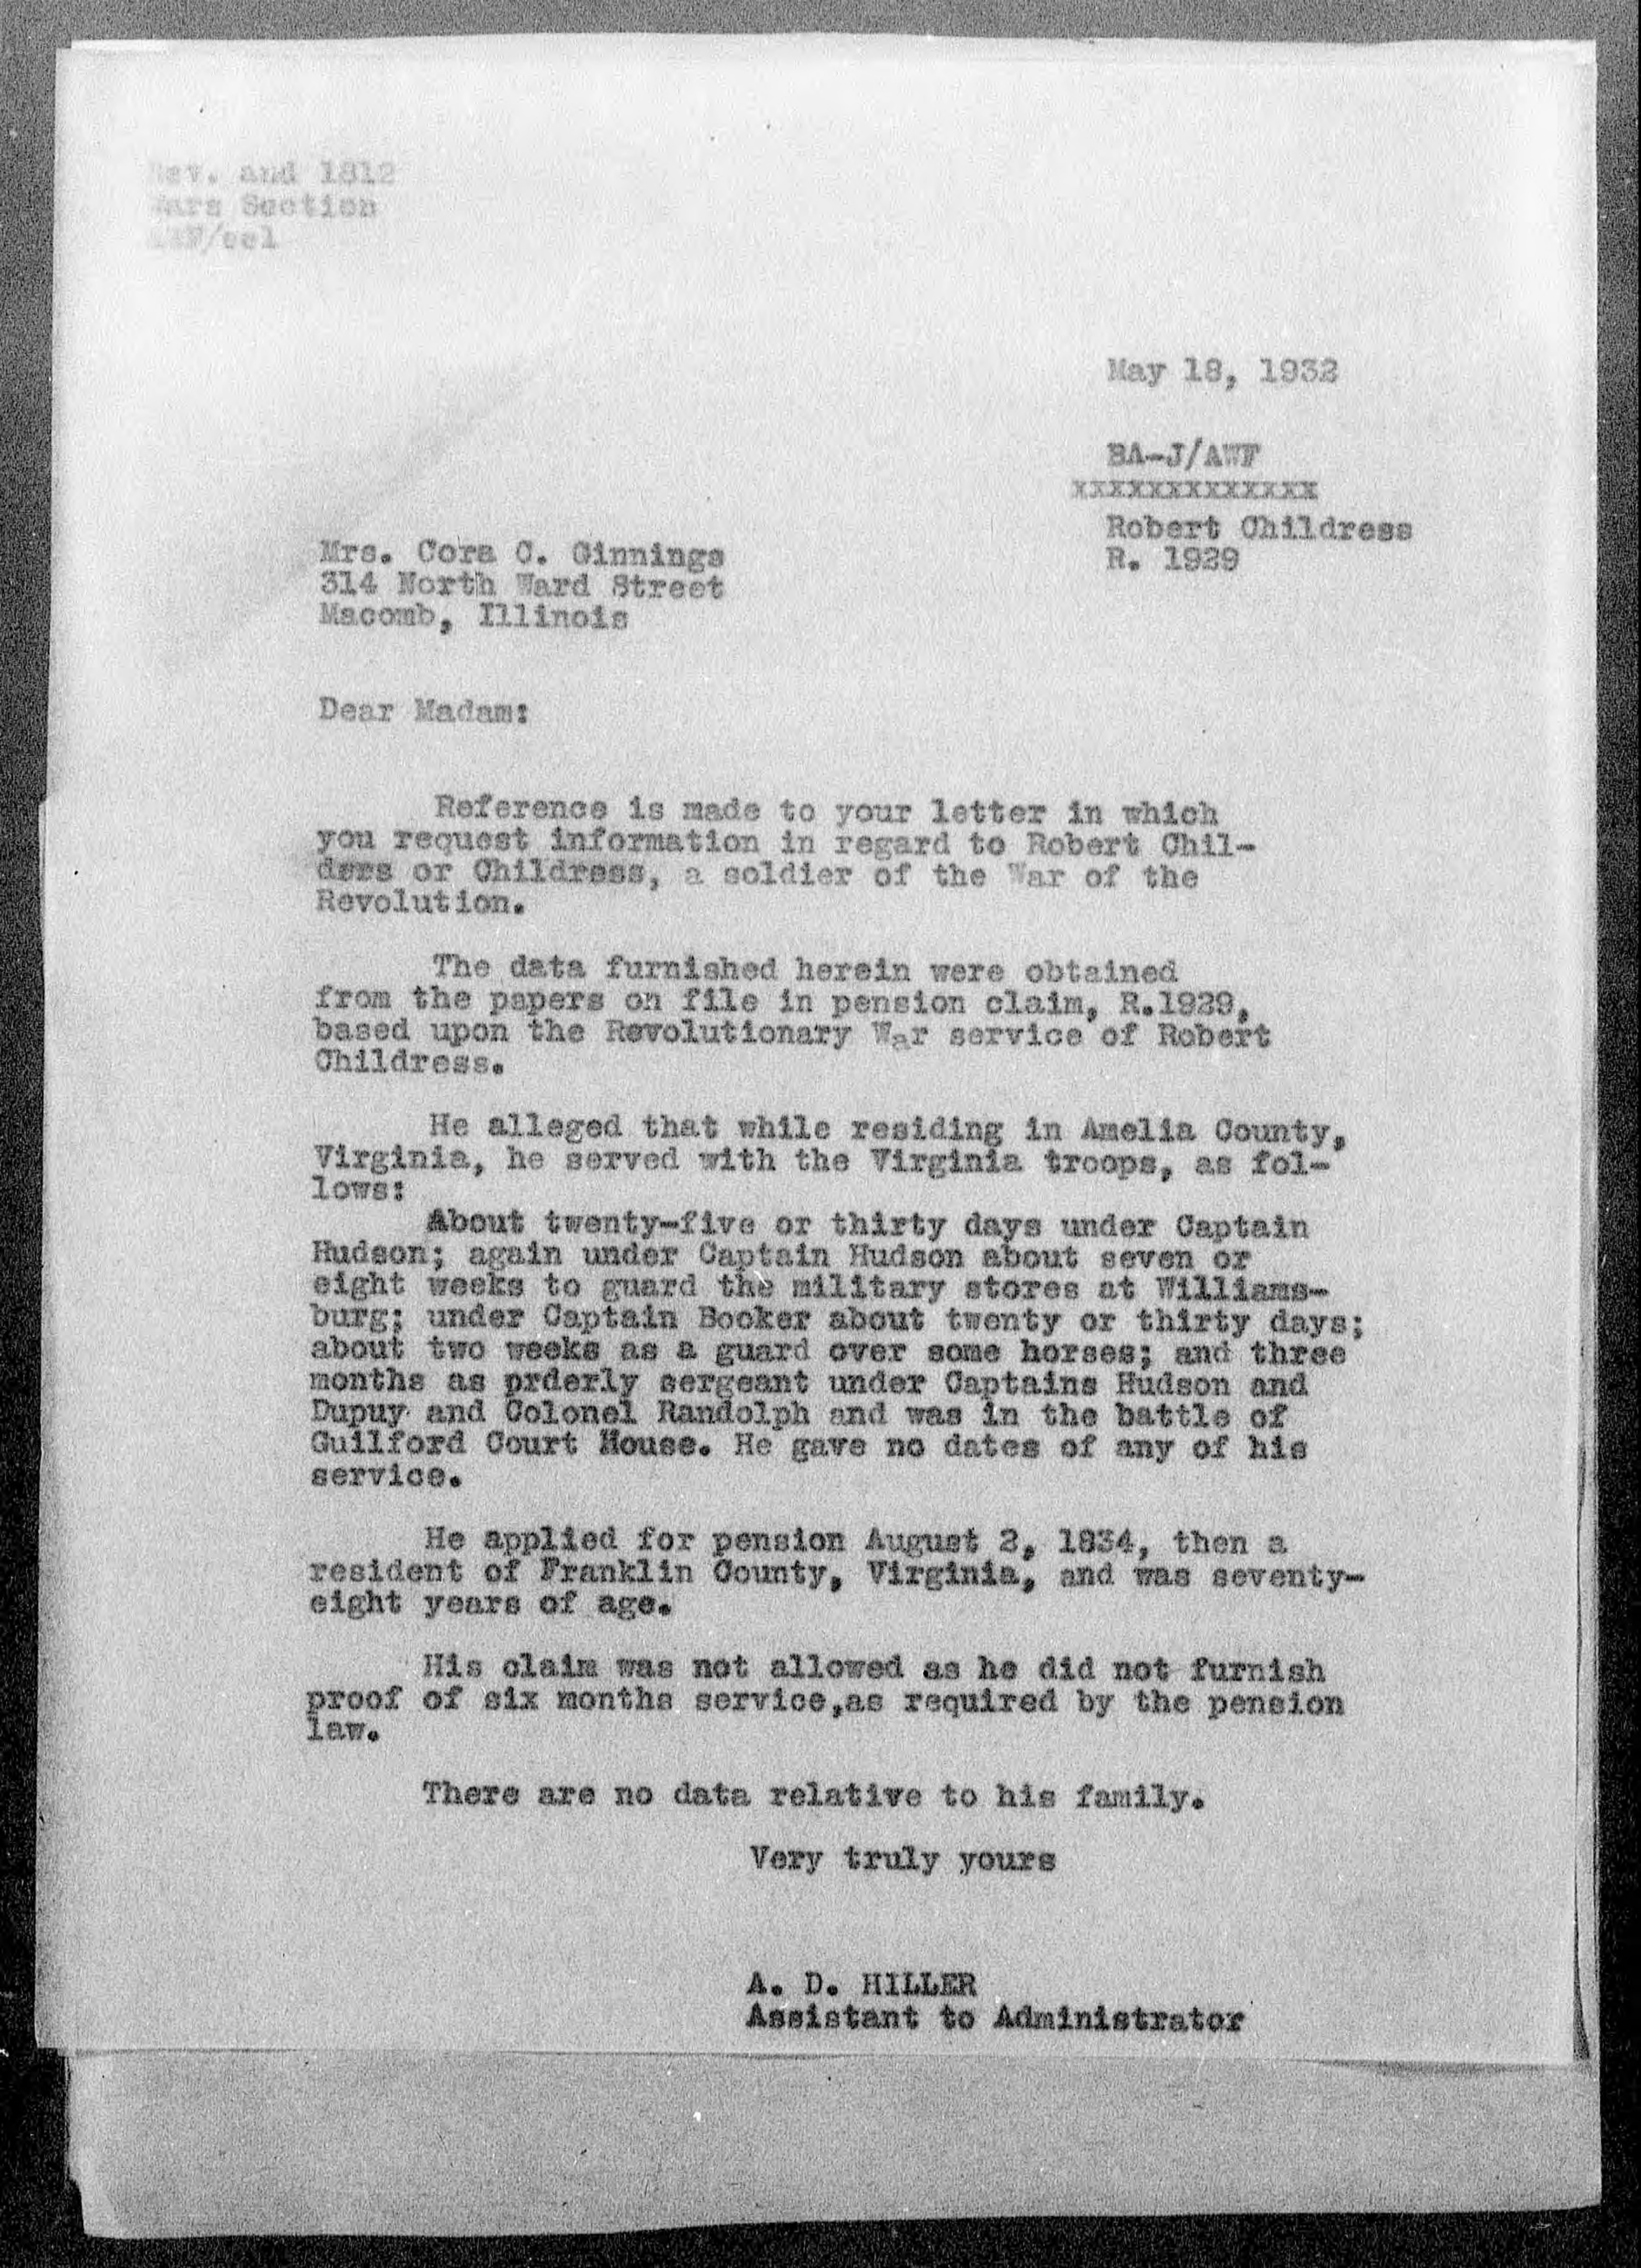Rev. and 1812
[illegible] Section
[illegible]

May 18, 1932
BA-J/AWF
XXXXXXXXXXXXX
Robert Childress
R. 1929
Referenc

Mrs. Cora C. Ginnings
314 North Ward Street
Macomb, Illinois

Dear Madam:

Reference is made to your letter in which
you request information in regard to Robert Childers
or Childress, a soldier of the War of the
Revolution.
The data furnished herein were obtained
from the papers on file in pension claim, R. 1929,
based upon the Revolutionary War service of Robert
Childress,
He alleged that while residing in Amelia County,
Virginia, he served with the Virginia troops, as follows:

About twenty-five or thirty days under Captain
Hudson; again under Captain Hudson about seven or
eight weeks to guard the military stores at Williamsburg; under Captain Booker about twenty or thirty days;
about two weeks as a guard over some horses; and three
months as orderly sergeant under Captains Hudson and
Dupuy and Colonel Randolph and was in the battle of
Guilford Court House. He gave no dates of any of his
service.

He applied for pension August 2, 1834, then a
resident of Franklin County, Virginia, and was seventy-
eight years of age.

His claim was not allowed as he did not furnish
proof of six months service, as required by the pension
Law. There are no data relative to his family.

Very truly yours
A. D. HILLER
Assistant to Administrator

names: Robert Childers, Hudson, Dupuy, A D Hiller, Booker, Robert Childress, Hudson, Randolph, Robert Childress, Hudson, Cora C Ginnings, Robert Childress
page: 19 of 25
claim: rejected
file: R. 1929, Robert Childress, Va